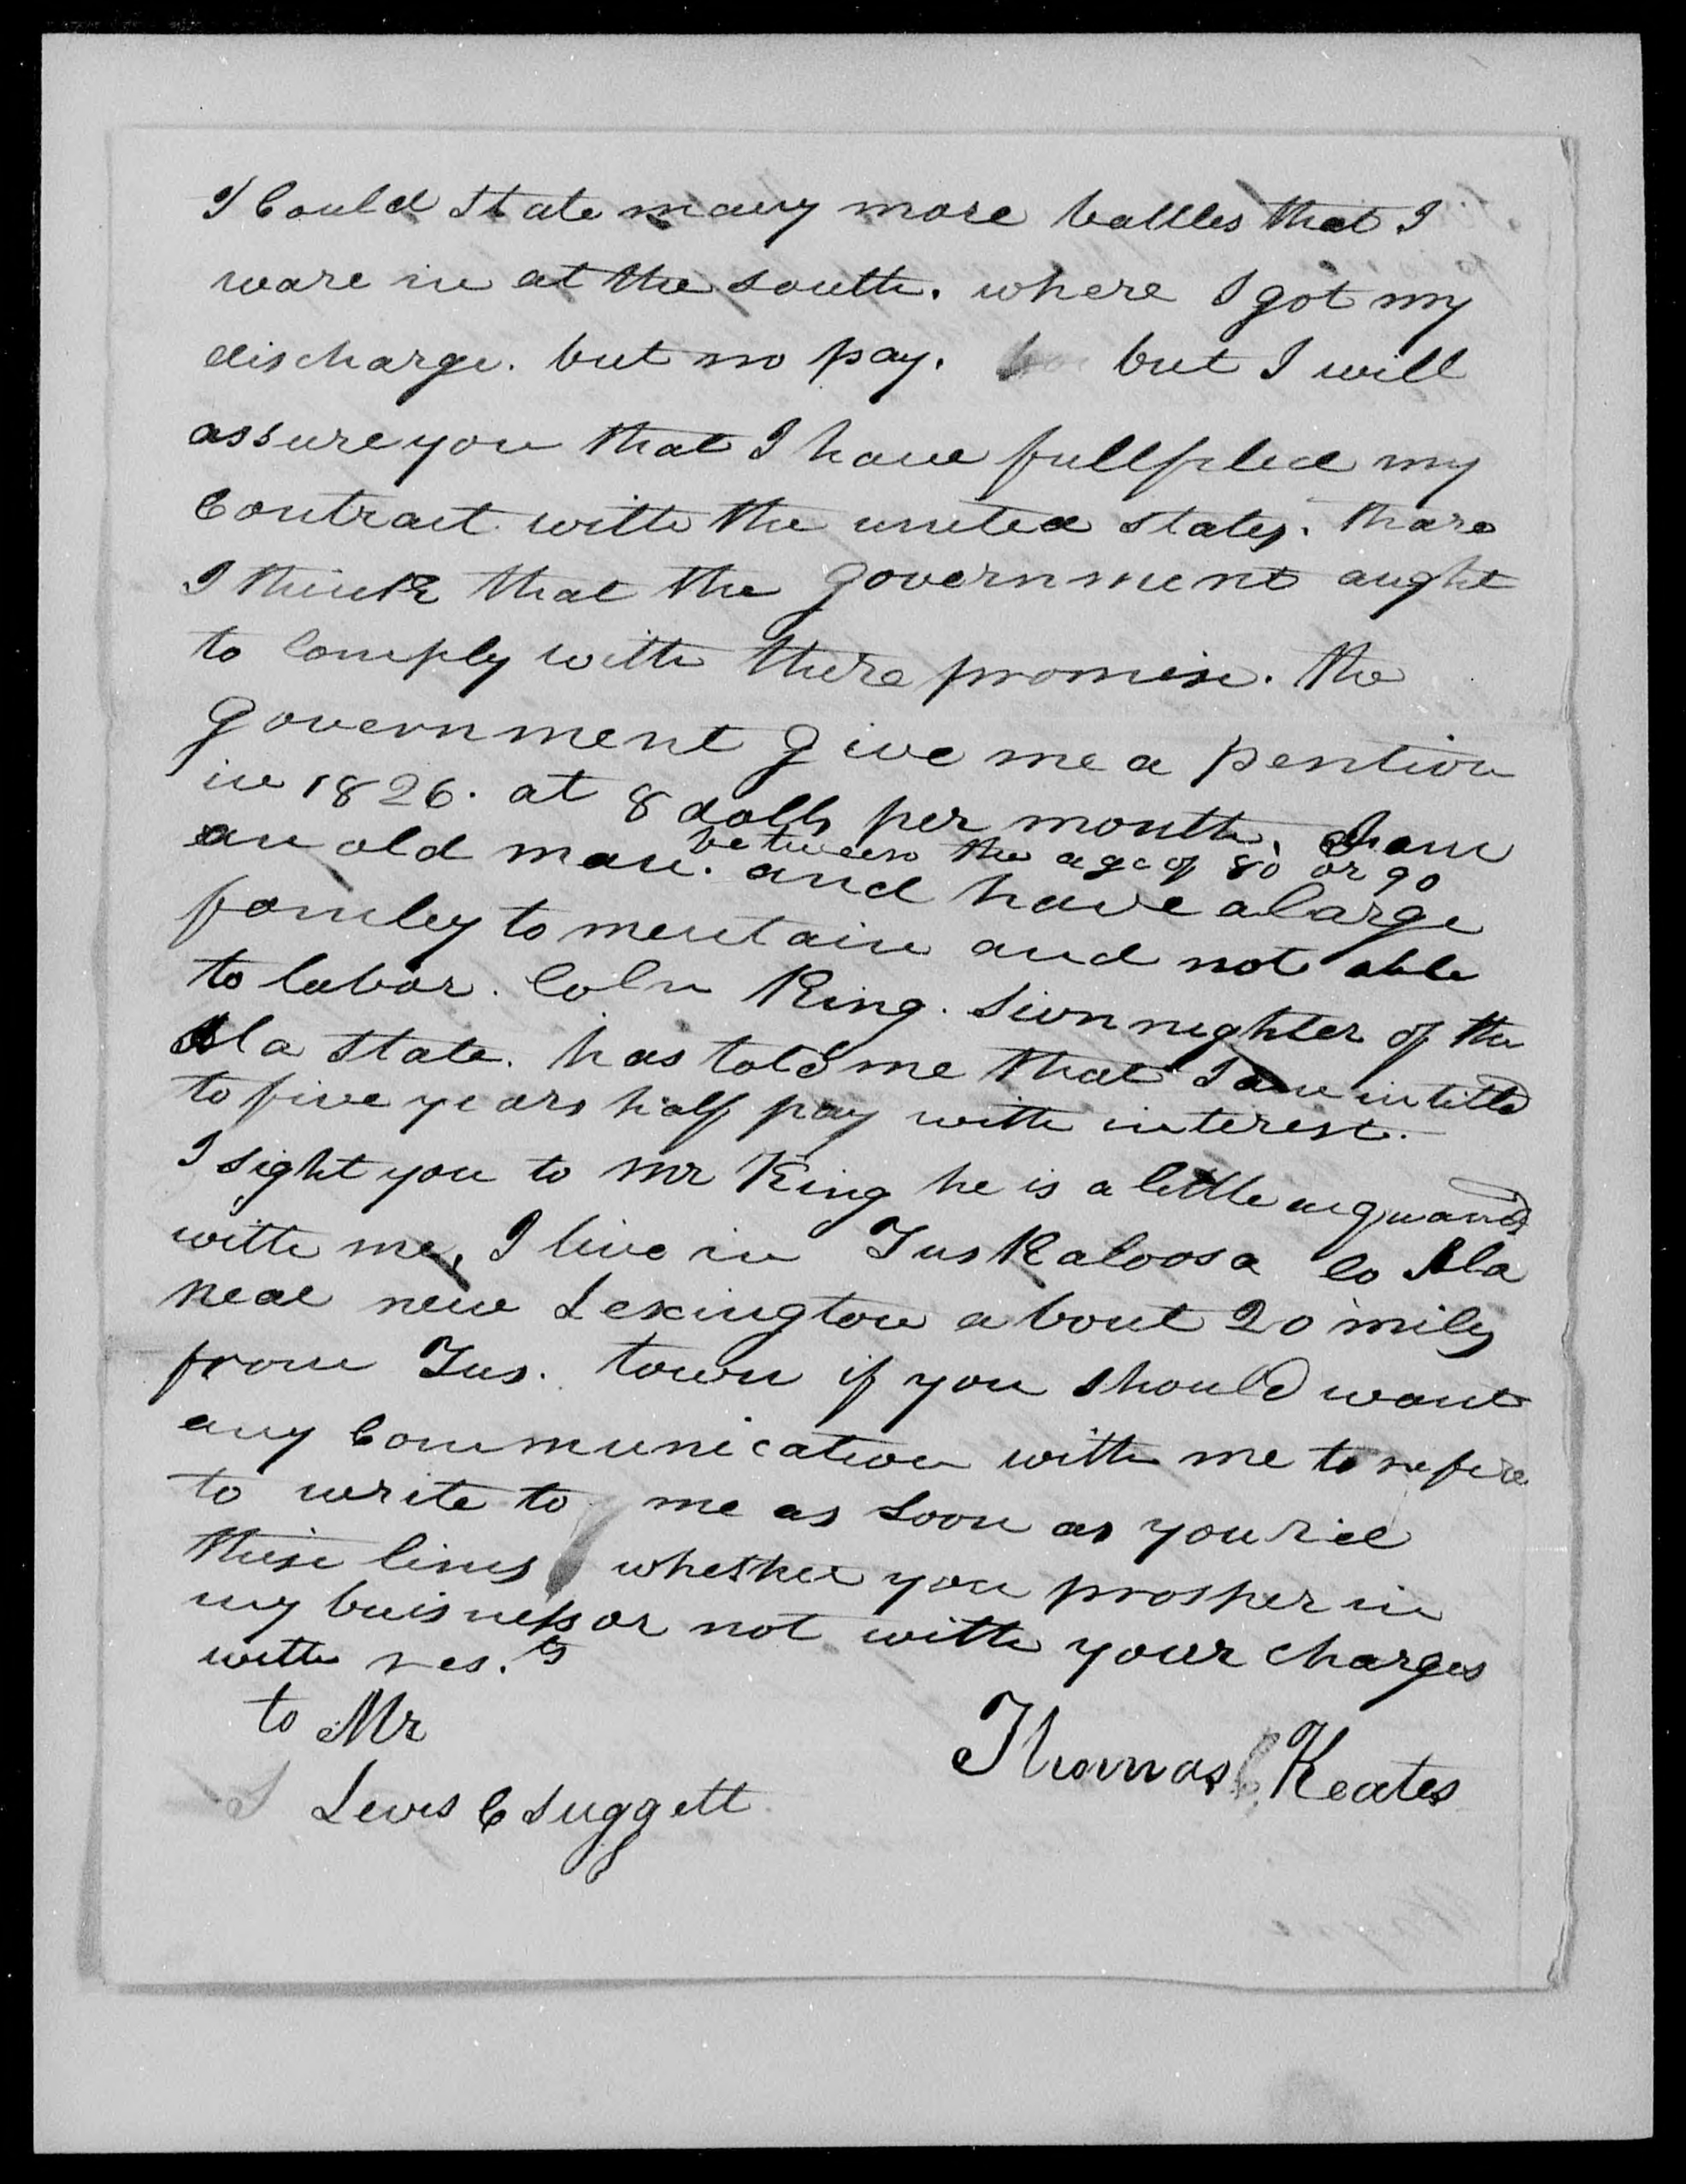I could state many more battles that I
ware (was) in at the south where I got my
discharge, but no pay. [smudge] but I will
assure you that I have fullfuled (fulfilled) my
contract wit the United States.  thare
I think that the government ought
to comply with there (their)  promise. The
government give me a pention (pension)
in 1826 at 8 dolls (dollars) per month, I am
an old man between the age of 80 or 90 and 
have a large family to maintain and not able
to labor.  Coln. (Colonel) King. [illegible] of the
Ala (Alabama) State has told me that I am entitled
to five years half pay with interest.  I sight you
to Mr King he is a little acquainted
with me.  I live in Tuskaloosa  Co Ala.
near new Lexington about 20 miles
from Tus. town if you should want
any communication with me to refer
to write to me as soon as you r'd
these lines whether you prosper in
my business or not with your charges
with {illegible].
To Mr Levis C Suggett          (signature of Thomas Keates)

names: Lewis C Suggett; Thomas Keates; [BLANK] King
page: 4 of 25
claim: survivor's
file: S. 38109, for Thomas Keates, Maryland